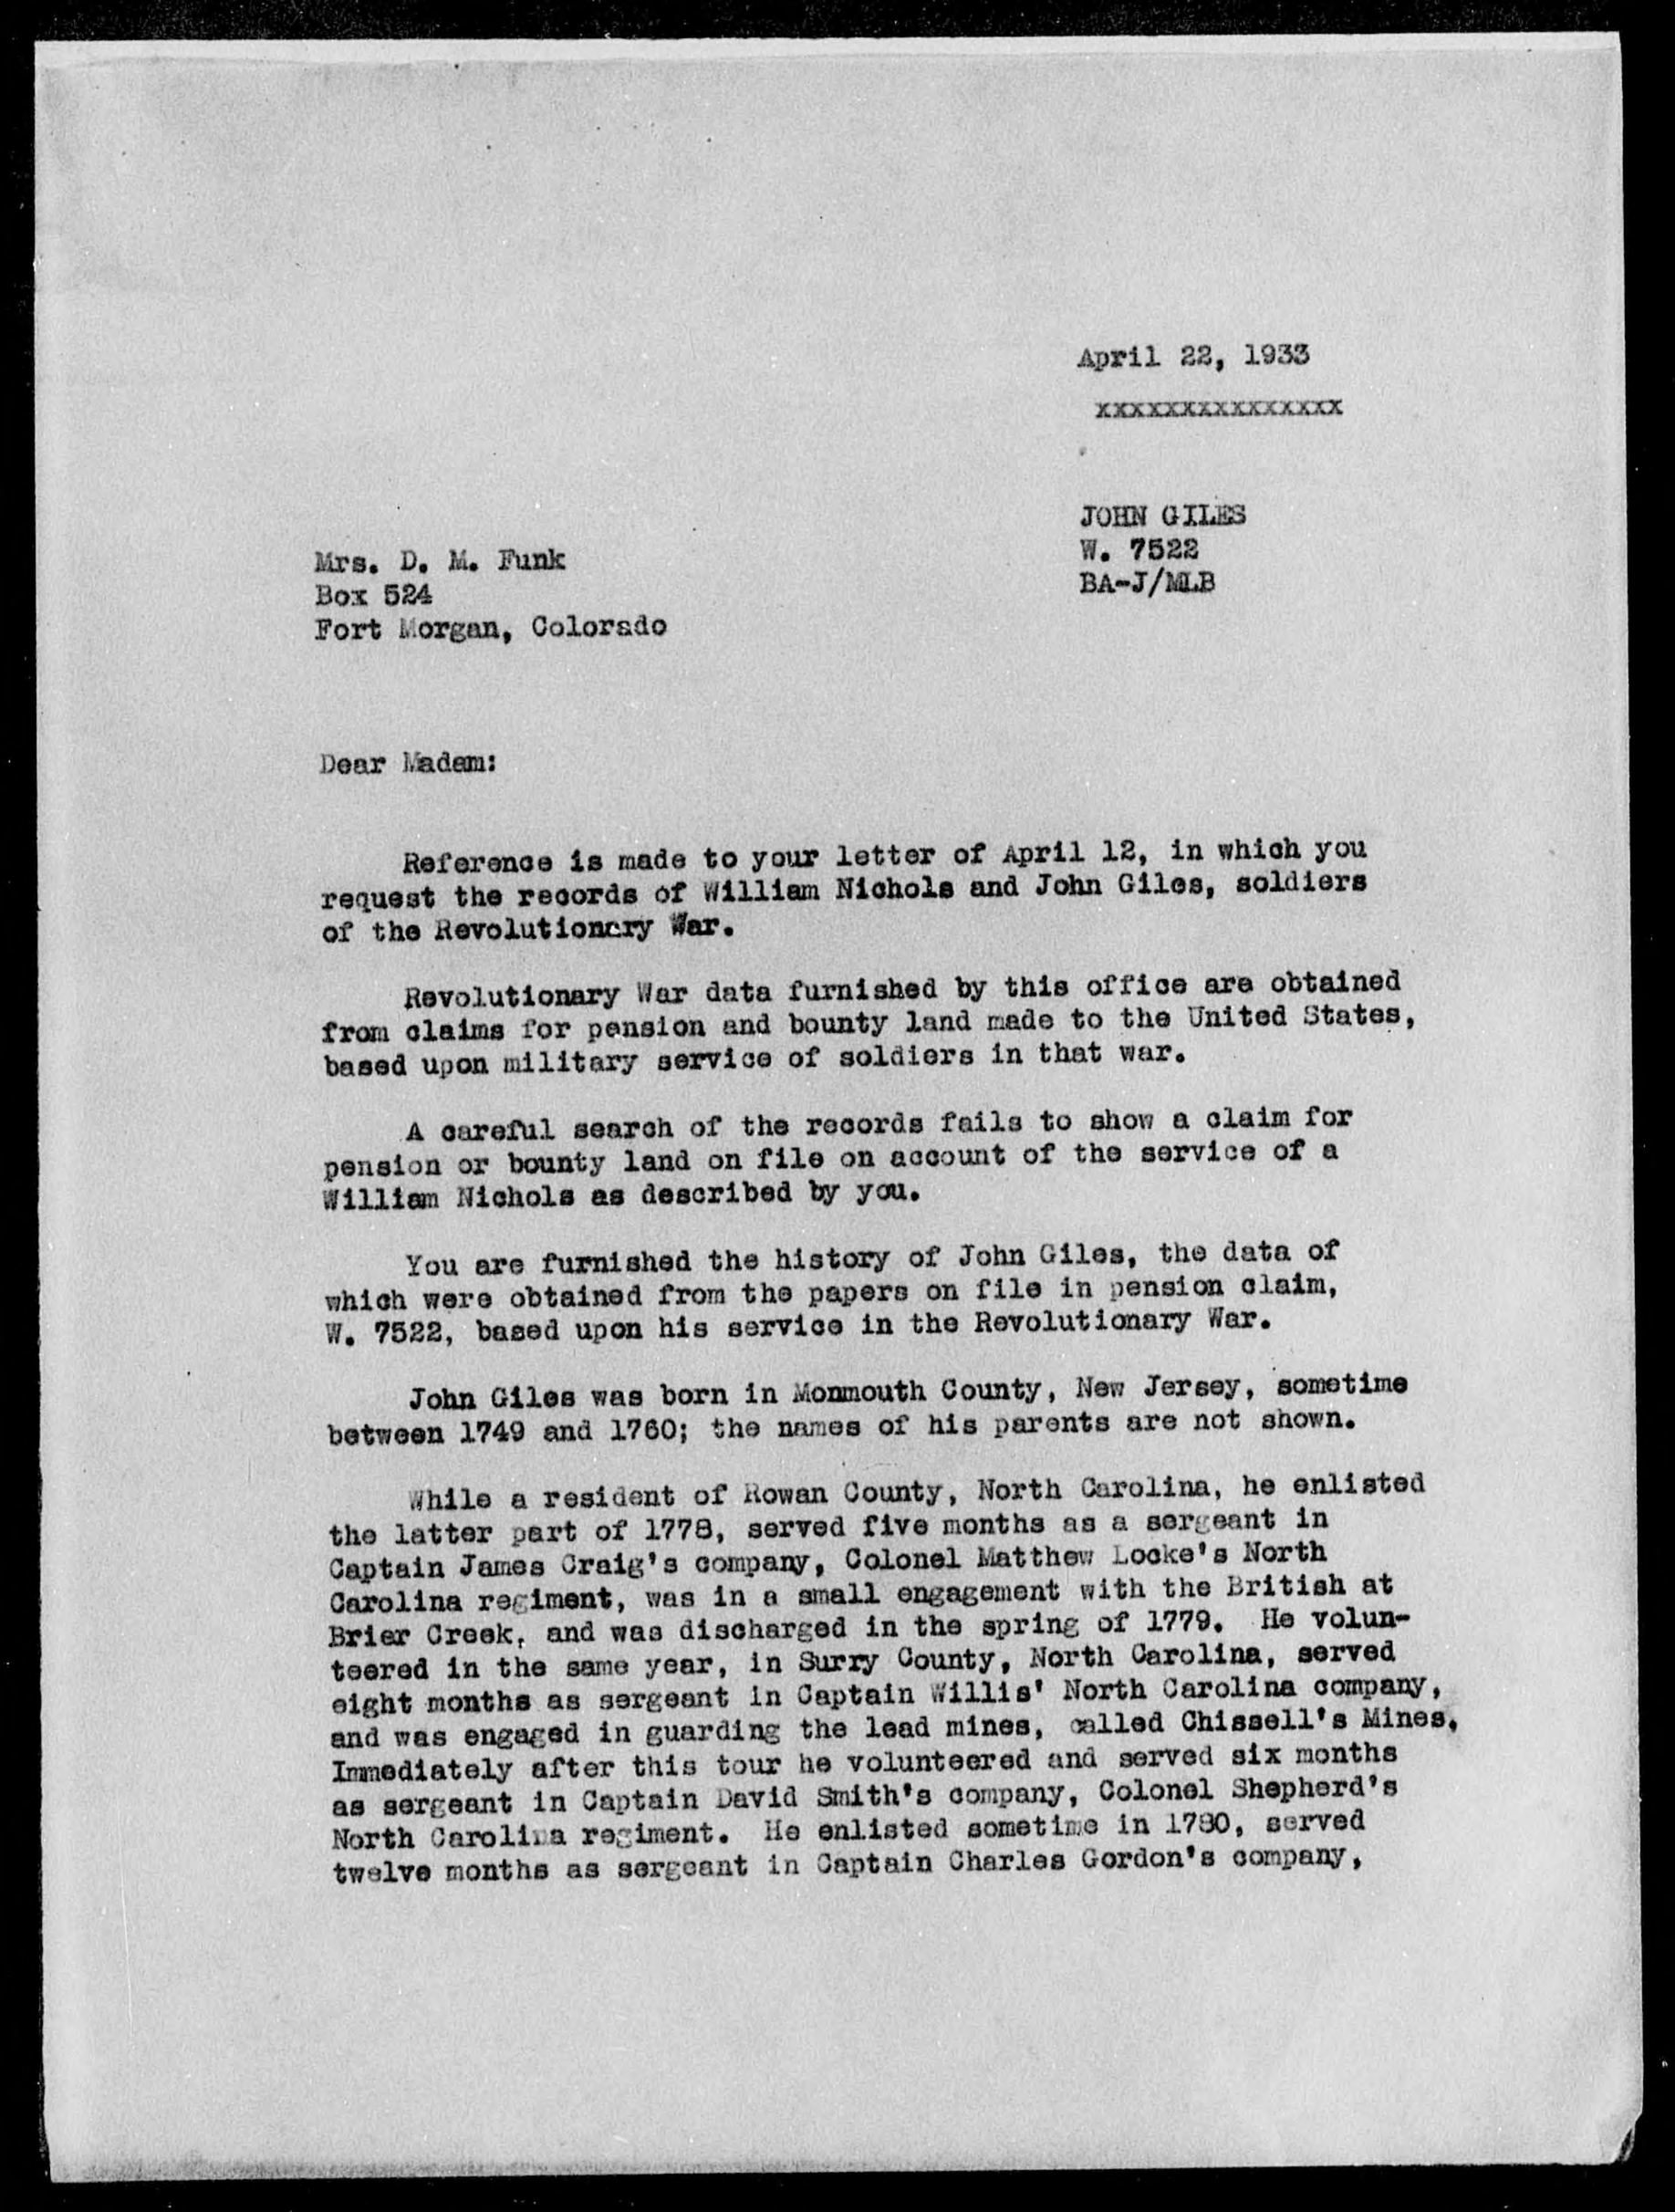April 22, 1933

John Giles
W. 7522
BA J/MLB

Mrs. D. M. Funk
Box 524
Fort Morgan, Colorado

Dear Madam:

Reference is made to your letter of April 12, in which you request the records of William Nichols and John Giles, soldiers of the Revolutionary War.

Revolutionary War data furnished by this office are obtained from claims for pension and bounty land made to the United States, based upon military service of soldiers in the war.

A careful search of the records fails to show a claim for pension or bounty land on file on account of the service of a William Nichols as described by you.

You are furnished the history of John Giles, the data of which were obtained from the papers on file in pension claim, W. 7522, based upon his service in the Revolutionary War.

John Giles was born in Monmouth County, New Jersey, sometime between 1749 and 1760; the names of his parents are not shown.

While a resident of Rowan County, North Carolina, he entitled the latter part of 1778, served five months as a sergeant in Captain James Craig's company, Colonel Matthew Locke's North Carolina regiment, was in a small engagement with the British at Brier Creek, and was discharged in the spring of 1779. He volunteered in the same year, in Surry County, North Carolina, served eight months as sergeant in Captain Willis' North Carolina company, and engaged in guarding the lead mines, called Chissell's Mines, Immediately after this tour he volunteered and served six months aa sergeant in Captain David Smith's company, Colonel Shepherd's North Carolina regiment. He enlisted sometime in 1780, served twelve months as sergeant in Captain Charles Gordon's Company,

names: John Giles, John Giles, William Nichols, John Giles, John Giles, William Nichols, D M Funk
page: 80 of 82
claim: widow's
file: W. 7,522, John Giles, N.C.